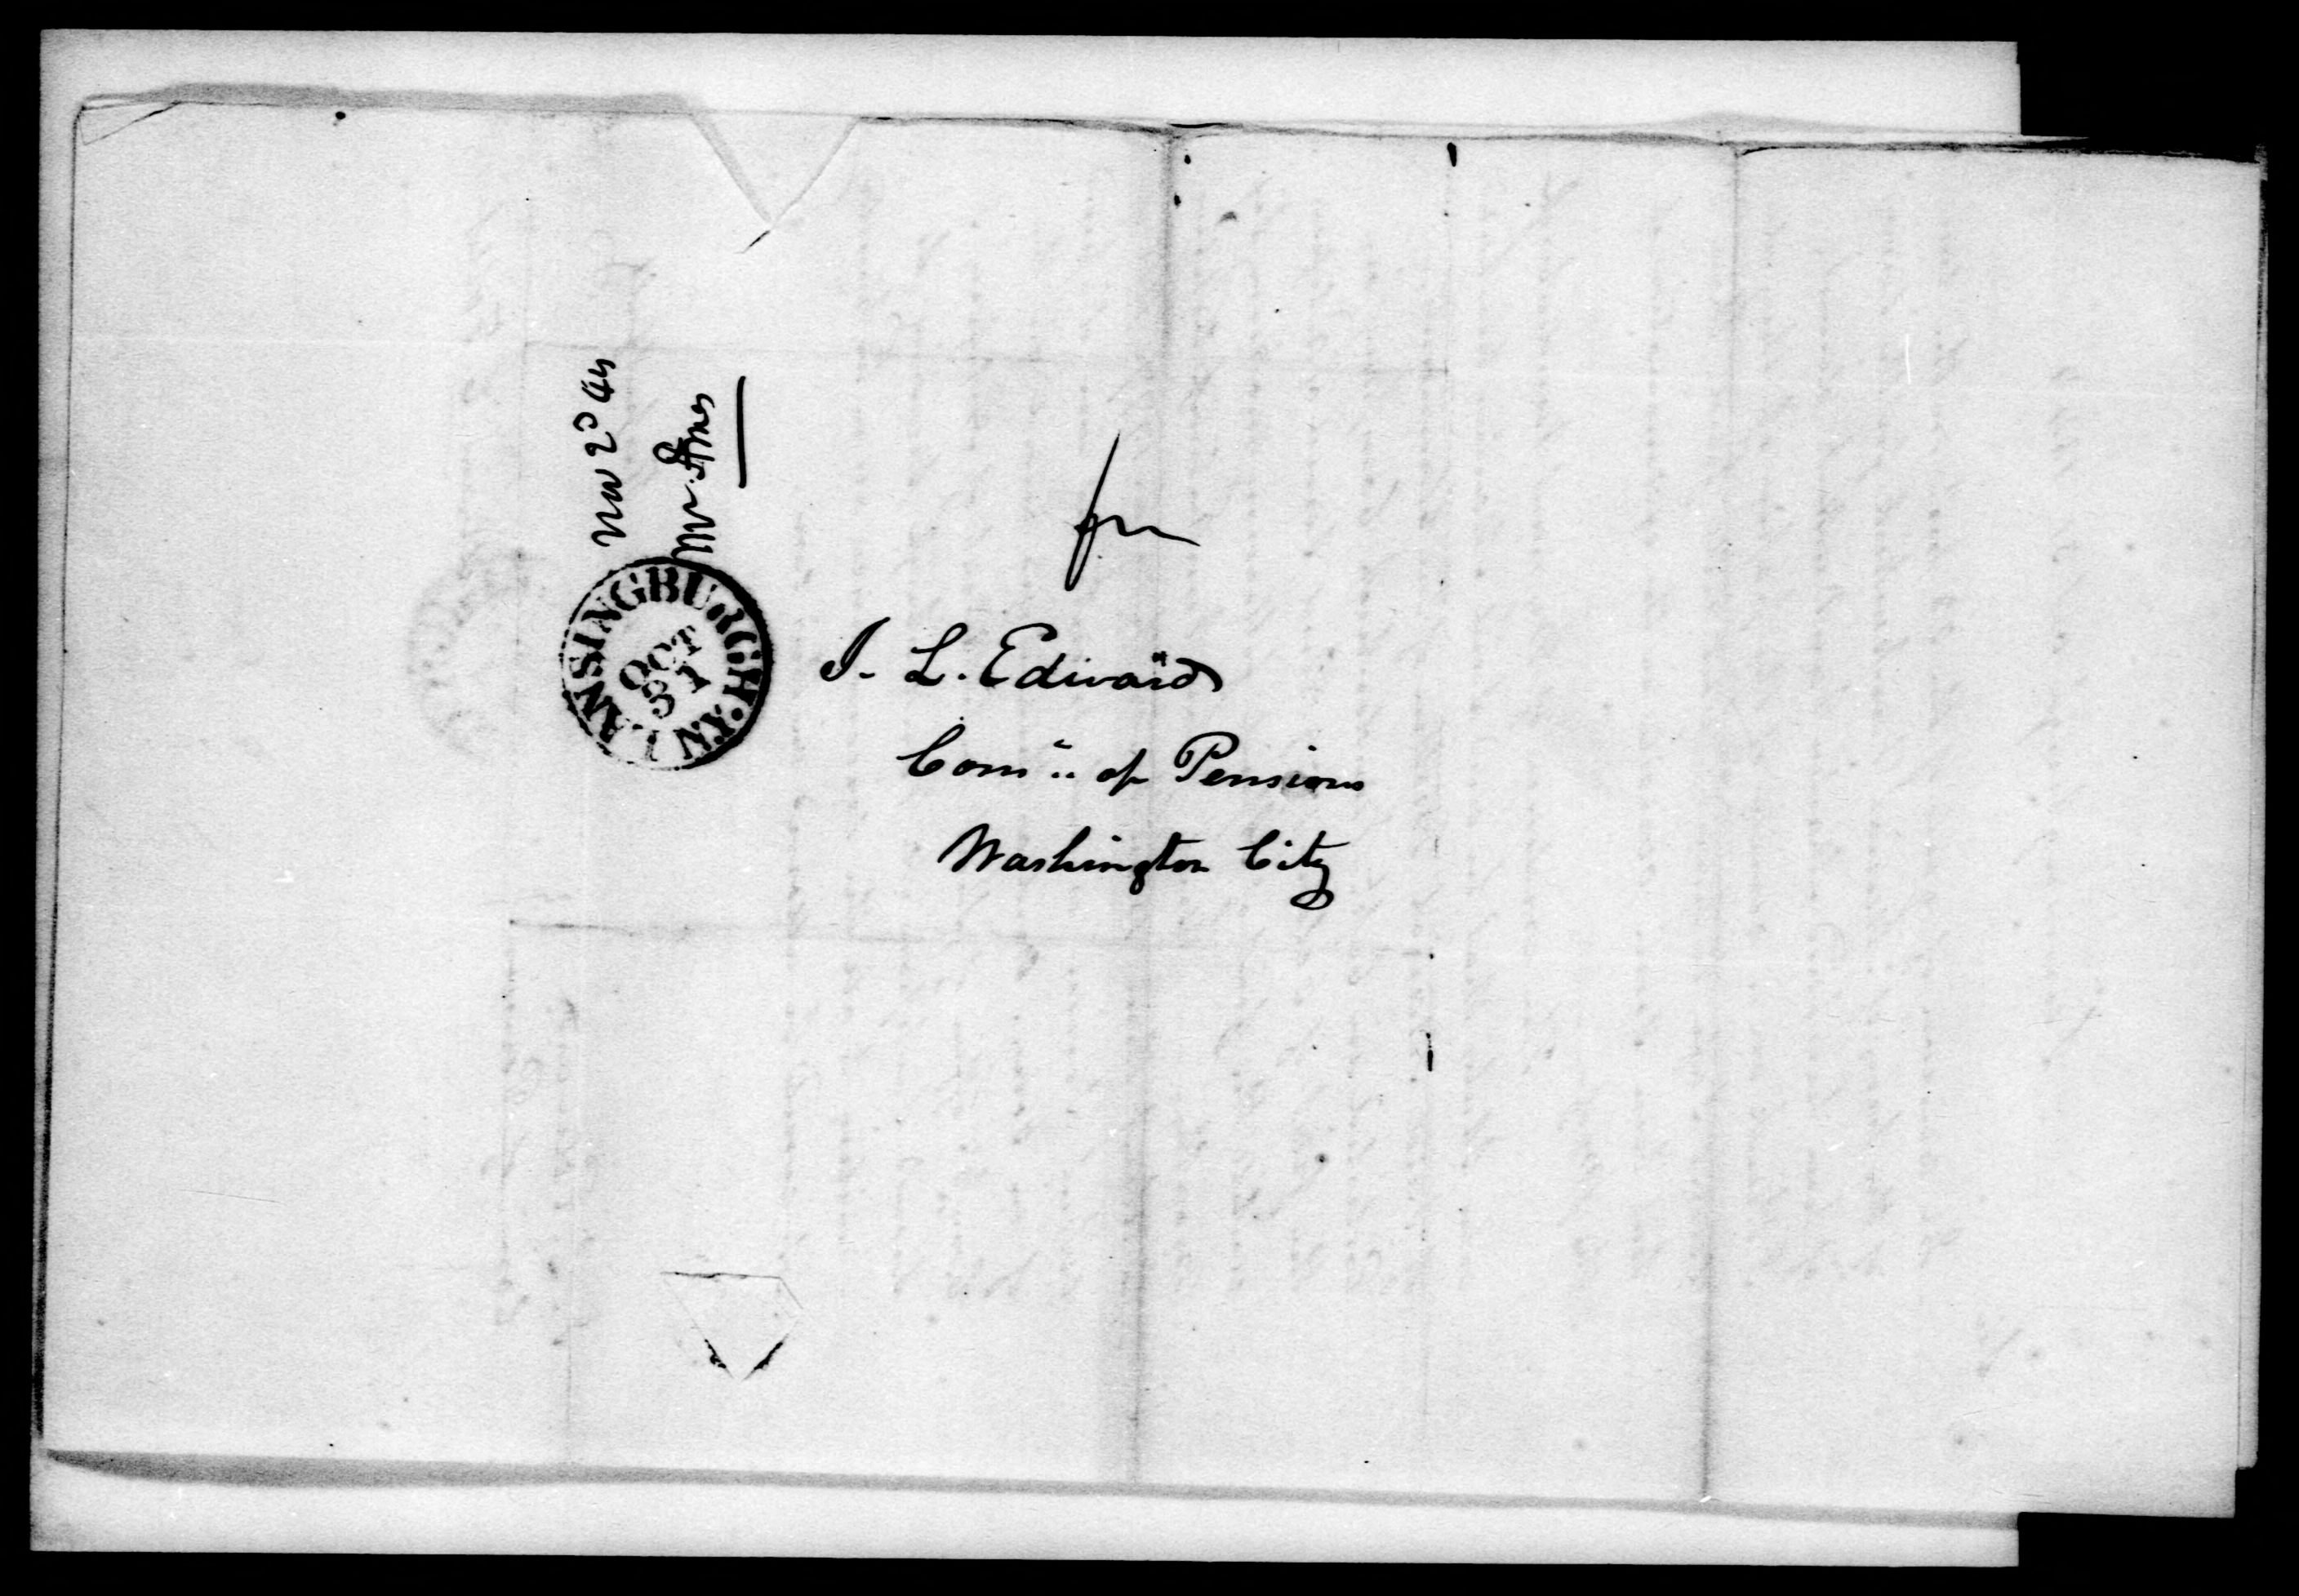Nov 2d 44
Mr. Ames

[round stamp]
LANSINGBURGH NY 
OCT 31

For

J. L. Edwards
Comr. of Pensions
Washington City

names: Ames, J L Edwards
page: 59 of 70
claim: rejected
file: R. 10,832, Martin Van Buskirk, New York.